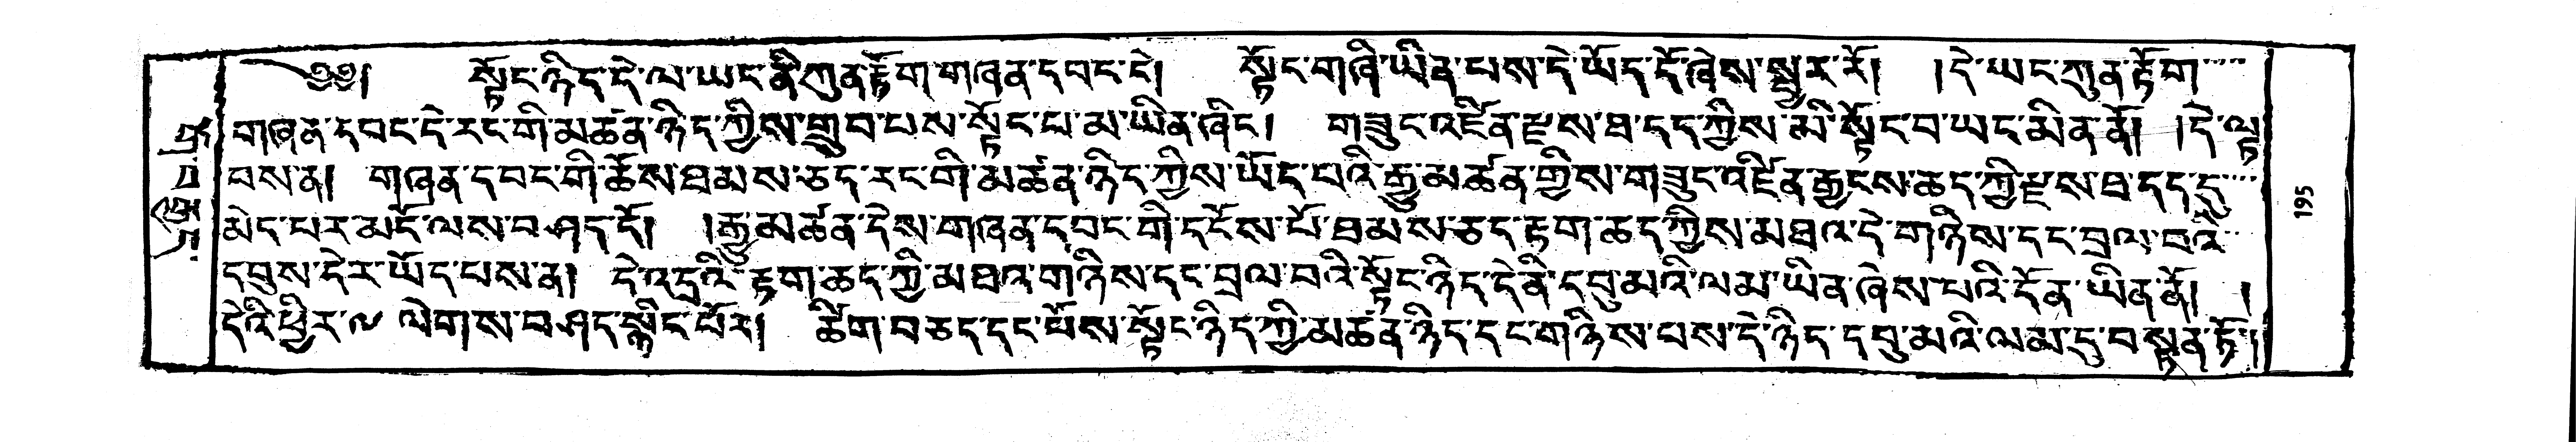༄༅། །སྟོང་ཉིད་དེ་ལ་ཡང་ནི་ཀུན་རྟོག་གཞན་དབང་ངེ། སྟོང་གཞི་ཡིན་པས་དེ་ཡོད་དོ་ཞེས་སྦྱར་རོ། །དེ་ཡང་ཀུན་རྟོག་
གཞན་དབང་དེ་རང་གི་མཚན་ཉིད་ཀྱིས་གྲུབ་པས་སྟོང་པ་མ་ཡིན་ཞིང་། གཟུང་འཛིན་རྫས་ཐ་དད་ཀྱིས་མི་སྟོང་བ་ཡང་མིན་ནོ། །དེ་ལྟ་
བས་ན། གཞན་དབང་གི་ཆོས་ཐམས་ཅད་རང་གི་མཚན་ཉིད་ཀྱིས་ཡོད་པའི་རྒྱུ་མཚན་གྱིས་གཟུང་འཛིན་རྒྱངས་ཆད་ཀྱི་རྫས་ཐ་དད་དུ་
མེད་པར་མདོ་ལས་བཤད་དོ། །རྒྱུ་མཚན་དེས་གཞན་དབང་གི་དངོས་པོ་ཐམས་ཅད་རྟག་ཆད་ཀྱིས་མཐའ་དེ་གཉིས་དང་བྲལ་བའི་
དབུས་དེར་ཡོད་པས་ན། དེ་འདྲའི་རྟག་ཆད་ཀྱི་མཐའ་གཉིས་དང་བྲལ་བའི་སྟོང་ཉིད་དེ་ནི་དབུ་མའི་ལམ་ཡིན་ཞེས་པའི་དོན་ཡིན་ནོ། །
དེའི་ཕྱིར། ལེགས་བཤད་སྙིང་པོར། ཚིག་བཅད་དང་པོས་སྟོང་ཉིད་ཀྱི་མཚན་ཉིད་དང་གཉིས་པས་དེ་ཉིད་དབུ་མའི་ལམ་དུ་བསྟན་ཏོ།